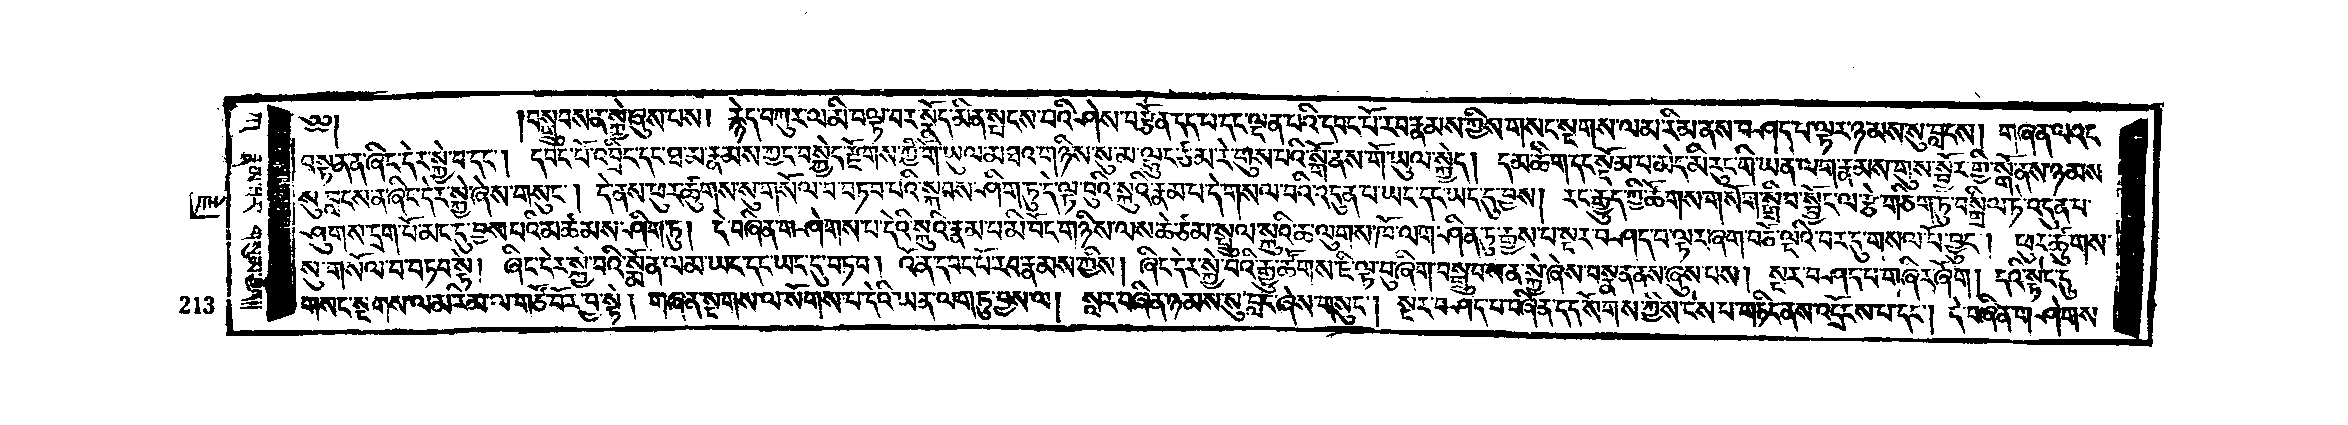༄༅། །བསྒྲུབས་ན་སྐྱེ་ཞུས་པས། རྙེད་བཀུར་ལ་མི་བལྟ་བར་སྣོད་མིན་སྤངས་བའི་ཤེས་བརྩོན་དད་པ་དང་ལྡན་པའི་དབང་པོ་རབ་རྣམས་ཀྱིས་གསང་སྔགས་ལམ་རིམ་ནས་བཤད་པ་ལྟར་ཉམས་སུ་བླངས། གཞན་ལའང་
བསྟན་ན་ཞིང་དེར་སྐྱེ་བ་དང་། དབང་པོ་འབྲིང་དང་ཐ་མ་རྣམས་ཀྱང་བསྐྱེད་རྫོགས་ཀྱི་གོ་ཡུལ་མཐའ་གཉིས་སུ་མ་ལྷུང་ཙམ་རེ་གུས་པའི་སྒོ་ནས་གོ་ཡུལ་སྐྱེད། དམ་ཚིག་དང་སྡོམ་པ་མེད་མི་རུང་གི་ཡན་ལག་རྣམས་གུས་སྦྱོར་གྱི་སྒོ་ནས་ཉམས་
སུ་བླངས་ན་ཞིང་དེར་སྐྱེ་ཞེས་གསུང་། དེ་ནས་ཕུར་ཚུགས་སུ་གསོལ་བ་བཏབ་པའི་སྐབས་ཤིག་ཏུ་དེ་ལྟ་བུའི་སྐུའི་རྣམ་པ་དེ་གསལ་བའི་འདུན་པ་ཡང་དང་ཡང་དུ་བྱས། རང་རྒྱུད་ཀྱི་ཚོགས་གསོག་སྒྲིབ་སྦྱོང་ལ་རྩེ་གཅིག་ཏུ་བསྒྲིལ་ཏེ་འདུན་པ་
ཤུགས་དྲག་པོ་མང་དུ་བྱས་པའི་མཚམས་ཤིག་ཏུ། དེ་བཞིན་གཤེགས་པ་དེའི་སྐུའི་རྣམ་པ་མི་བོང་གཉིས་ལས་ཆེ་ཙམ་སྤྲུལ་སྐུའི་ཆ་ལུགས་ཁོ་ལག་ཤིན་ཏུ་རྒྱས་པ་སྔར་བཤད་པ་ལྟར་ཞག་བཅོ་ལྔའི་བར་དུ་གསལ་པོ་བྱུང་། ཕུར་ཚུགས་
སུ་གསོལ་བ་བཏབ་སྟེ། ཞིང་དེར་སྐྱེ་བའི་སྨོན་ལམ་ཡང་དང་ཡང་དུ་བཏབ། འོ་ན་དབང་པོ་རབ་རྣམས་ཀྱིས། ཞིང་དེར་སྐྱེ་བའི་རྒྱུ་ཚོགས་ཇི་ལྟ་བུ་ཞིག་བསྒྲུབས་ན་སྐྱེ་ཞེས་བསྣན་ནས་ཞུས་པས། སྔར་བཤད་པ་གཞིར་ཞོག། དའི་སྟེང་དུ་
གསང་སྔགས་ལམ་རིམ་ལ་གཙོ་བོར་བྱ་སྟེ། གཞན་སྔགས་ལ་སོགས་པ་དེའི་ཡན་ལག་ཏུ་བྱས་ལ། སླར་བཞིན་ཉམས་སུ་བླང་ཞེས་གསུང་། སྔར་བཤད་པ་བཞིན་དད་སོགས་ཀྱིས་ངེས་པ་གཏིང་ནས་འདྲོངས་པ་དང་། དེ་བཞིན་གཤེགས་